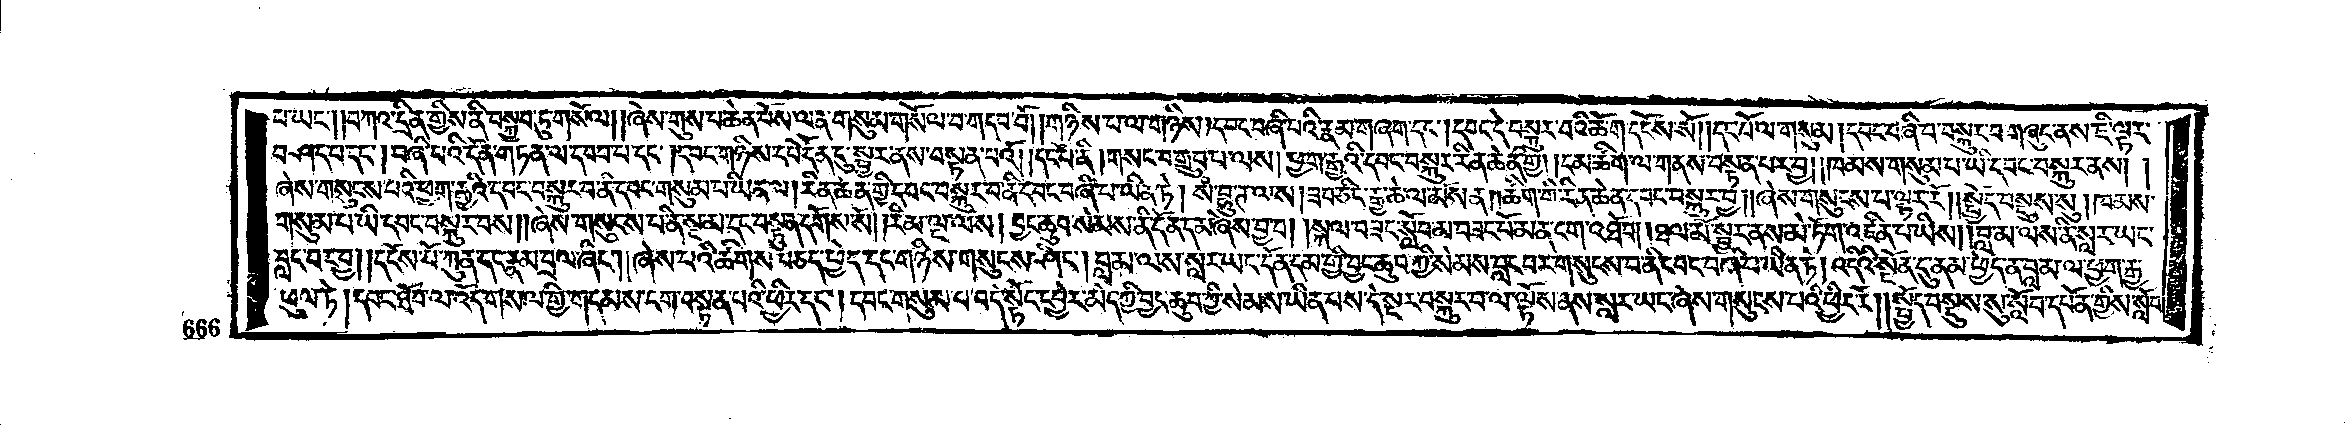པ་ཡང་། །བཀའ་དྲིན་གྱིས་ནི་བསྐྱབ་ཏུ་གསོལ། །ཞེས་གུས་པ་ཆེན་པོས་ལན་གསུམ་གསོལ་བ་གདབ་བོ། །གཉིས་པ་ལ་གཉིས། དབང་བཞི་པའི་རྣམ་གཞག་དང་། དབང་དེ་བསྐུར་བའི་ཆོ་ག་དངོས་སོ། །དང་པོ་ལ་གསུམ། དབང་ཞི་པ་བསྐུར་བ་གཞུང་ནས་ཇི་ལྟར་
བཤད་པ་དང་། བཞི་པའི་དོན་གཏན་ལ་དབབ་པ་དང་། དབང་གཉིས་དཔེ་དོན་དུ་སྦྱར་ནས་བསྟན་པའོ། །དང་པོ་ནི། གསང་བ་གྲུབ་པ་ལས། ཕྱག་རྒྱའི་དབང་བསྐུར་རིན་ཆེན་གྱི། །དམ་ཚིག་ལ་གནས་བསྟན་པར་བྱ། །ཁམས་གསུམ་པ་ཡི་དབང་བསྐུར་ནས། །
ཞེས་གསུངས་པའི་ཕྱག་རྒྱའི་དབང་བསྐུར་བ་ནི་དབང་གསུམ་པ་ཡིན་ལ། རིན་ཆེན་གྱི་དབང་བསྐུར་བ་ནི་དབང་བཞི་པ་ཡིན་ཏེ། སཾ་བྷུ་ཊ་ལས། ཟབ་ཅིང་རྒྱ་ཆེ་ལ་མོས་ན། །ཚིག་གི་རིན་ཆེན་དབང་བསྐུར་བྱ། །ཞེས་གསུངས་པ་ལྟར་རོ། །སྤྱོད་བསྡུས་སུ། ཁམས་
གསུམ་པ་ཡི་དབང་བསྐུར་བས། །ཞེས་གསུངས་པ་ནི་སྔ་མ་དང་བསྟུན་དགོས་སོ། །རིམ་ལྔ་ལས། བྱང་ཆུབ་སེམས་ནི་དོན་དམ་ཞེས་བྱ་བ། །སྐལ་བཟང་སློབ་མ་བཟང་པོ་མན་ངག་འཐོབ། །ཐལ་མོ་སྦྱར་ནས་མེ་ཏོག་འཛིན་པ་ཡིས། །བླ་མ་ལས་ནི་སླར་ཡང་
བླང་བར་བྱ། །དངོས་པོ་ཀུན་དང་རྣམ་བྲལ་ཞིང་། །ཞེས་པའི་ཚིགས་བཅད་ཕྱེད་དང་གཉིས་གསུངས་ཤིང་། བླ་མ་ལས་སླར་ཡང་དོན་དམ་གྱི་བྱང་ཆུབ་ཀྱི་སེམས་བླང་བར་གསུངས་བ་ནི་དབང་བཞི་པ་ཡིན་ཏེ། འདིའི་སྔོན་དུ་ནམ་ཕྱེད་ན་བླ་མ་ལ་ཕྱག་རྒྱ་
ཕུལ་ཏེ། དབང་ཐོབ་ལ་འོད་གསལ་གྱི་གདམས་ངག་བསྟན་པའི་ཕྱིར་དང་། དབང་གསུམ་པ་བདེ་སྟོང་དབྱེར་མེད་ཀྱི་བྱང་ཆུབ་ཀྱི་སེམས་ཡིན་པས་དེ་སྔར་བསྐུར་བ་ལ་ལྟོས་ནས་སླར་ཡང་ཞེས་གསུངས་པའི་ཕྱིར་རོ། །སྤྱོད་བསྡུས་སུ་སློབ་དཔོན་གྱིས་སློབ་